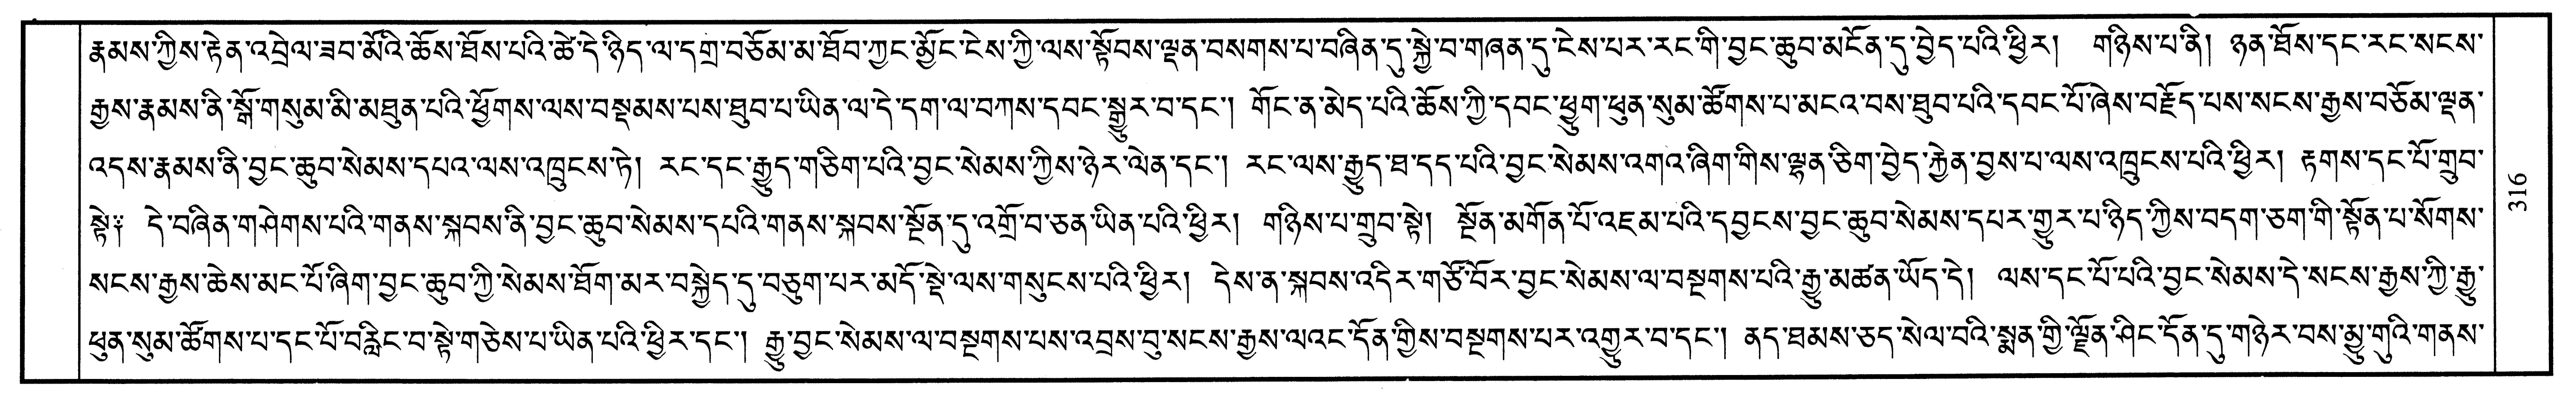རྣམས་ཀྱིས་རྟེན་འབྲེལ་ཟབ་མོའི་ཆོས་ཐོས་པའི་ཚེ་དེ་ཉིད་ལ་དགྲ་བཅོམ་མ་ཐོབ་ཀྱང་མྱོང་ངེས་ཀྱི་ལས་སྟོབས་ལྡན་བསགས་པ་བཞིན་དུ་སྐྱེ་བ་གཞན་དུ་ངེས་པར་རང་གི་བྱང་ཆུབ་མངོན་དུ་བྱེད་པའི་ཕྱིར། གཉིས་པ་ནི། ཉན་ཐོས་དང་རང་སངས་
རྒྱས་རྣམས་ནི་སྒོ་གསུམ་མི་མཐུན་པའི་ཕྱོགས་ལས་བསྡམས་པས་ཐུབ་པ་ཡིན་ལ་དེ་དག་ལ་བཀས་དབང་སྒྱུར་བ་དང་། གོང་ན་མེད་པའི་ཆོས་ཀྱི་དབང་ཕྱུག་ཕུན་སུམ་ཚོགས་པ་མངའ་བས་ཐུབ་པའི་དབང་པོ་ཞེས་བརྗོད་པས་སངས་རྒྱས་བཅོམ་ལྡན་
འདས་རྣམས་ནི་བྱང་ཆུབ་སེམས་དཔའ་ལས་འཁྲུངས་ཏེ། རང་དང་རྒྱུད་གཅིག་པའི་བྱང་སེམས་ཀྱིས་ཉེར་ལེན་དང་། རང་ལས་རྒྱུད་ཐ་དད་པའི་བྱང་སེམས་འགའ་ཞིག་གིས་ལྷན་ཅིག་བྱེད་རྐྱེན་བྱས་པ་ལས་འཁྲུངས་པའི་ཕྱིར། རྟགས་དང་པོ་གྲུབ་
སྟེ༑ དེ་བཞིན་གཤེགས་པའི་གནས་སྐབས་ནི་བྱང་ཆུབ་སེམས་དཔའི་གནས་སྐབས་སྔོན་དུ་འགྲོ་བ་ཅན་ཡིན་པའི་ཕྱིར། གཉིས་པ་གྲུབ་སྟེ། སྔོན་མགོན་པོ་འཇམ་པའི་དབྱངས་བྱང་ཆུབ་སེམས་དཔར་གྱུར་པ་ཉིད་ཀྱིས་བདག་ཅག་གི་སྟོན་པ་སོགས་
སངས་རྒྱས་ཆེས་མང་པོ་ཞིག་བྱང་ཆུབ་ཀྱི་སེམས་ཐོག་མར་བསྐྱེད་དུ་བཅུག་པར་མདོ་སྡེ་ལས་གསུངས་པའི་ཕྱིར། དེས་ན་སྐབས་འདིར་གཙོ་བོར་བྱང་སེམས་ལ་བསྔགས་པའི་རྒྱུ་མཚན་ཡོད་དེ། ལས་དང་པོ་པའི་བྱང་སེམས་དེ་སངས་རྒྱས་ཀྱི་རྒྱུ་
ཕུན་སུམ་ཚོགས་པ་དང་པོ་བརླིང་བ་སྟེ་གཅེས་པ་ཡིན་པའི་ཕྱིར་དང་། རྒྱུ་བྱང་སེམས་ལ་བསྔགས་པས་འབྲས་བུ་སངས་རྒྱས་ལའང་དོན་གྱིས་བསྔགས་པར་འགྱུར་བ་དང་། ནད་ཐམས་ཅད་སེལ་བའི་སྨན་གྱི་ལྗོན་ཤིང་དོན་དུ་གཉེར་བས་མྱུ་གུའི་གནས་